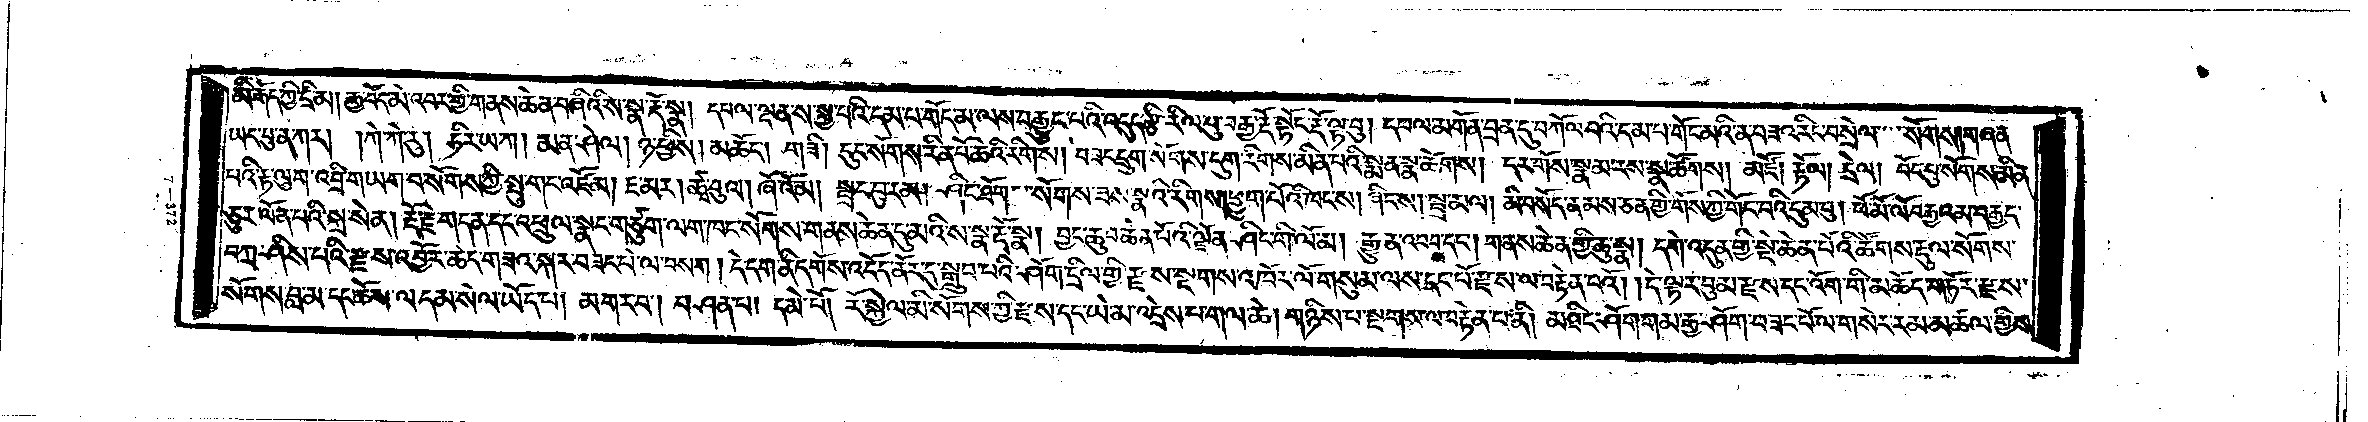མི་རྒོད་ཀྱི་དྲི་མ། རྒྱ་བོད་མེ་འབར་གྱི་གནས་ཆེན་བཞིའི་ས་སྣ་རྡོ་སྣ། དཔལ་ལྡན་ས་སྐྱ་པའི་དམ་པ་གོང་མ་ལས་བརྒྱུད་པའི་བདུད་རྩི་རིལ་བུ་བརྒྱ་རྡོ་སྟོང་རྡོ་ལྟ་བུ། དཔལ་མགོན་བྲན་དུ་བཀོལ་པའི་དམ་པ་གོང་མའི་ན་བཟའ་རིང་བསྲེལ་སོགས། གཞན་
ཡང་བུན་ཀར། །ཀེ་ཀེ་རུ། ཏིར་ཡ་ཀ། མན་ཤེལ། ཉ་ཕྱིས། མཆོད། གཟི། དུང་སོགས་རིན་པོ་ཆེའི་རིགས། བཟང་དྲུག་སོགས་དུག་རིགས་མིན་པའི་སྨན་སྣ་ཚོགས། དར་གོས་སྣམ་རས་སྣ་ཚོགས། མཛོ། རྟོལ། དྲེལ། བོང་བུ་སོགས་མིན་
པའི་རྟ་ལུག་འབྲིག་ཡང་བ་སོགས་ཀྱི་སྦུ་གང་འཛོམ། ཇ་མར། ཚྭ་བུལ། ཞོ་འོ་མ། སྦྲང་བུ་རམ། ཤིང་ཐོག་སོགས་ཟས་སྣའི་རིགས། ཕྱུག་པོའི་ཁང་ས། ཞིང་ས། སྦྲ་མལ། མི་བསོད་ནམས་ཅན་གྱི་གོས་ཀྱི་གོང་བའི་དུམ་བུ། ཕོ་མོ་ལོ་བརྒྱའམ་བརྒྱད་
ཅུར་ལོན་པའི་སྐྲ་སེན། རྡོ་རྗེ་གདན་དང་འཕྲུལ་སྣང་གཙུག་ལག་ཁང་སོགས་གནས་ཆེན་དུ་མའི་ས་སྣ་རྡོ་སྣ། བྱང་ཆུབ་ཆེན་པོའི་ལྗོན་ཤིང་གི་ལོ་མ། རྒྱུན་འབབས་དང་། གནས་ཆེན་གྱི་ཆུ་སྣ། དགེ་འདུན་གྱི་སྡེ་ཆེན་པོའི་ཚོགས་རྡུལ་སོགས་
བཀྲ་ཤིས་པའི་རྫས་འབྱོར་ཚད་གཟའ་སྐར་བཟང་པོ་ལ་བསག །དེ་དག་ནི་དགོས་འདོད་ནོར་དུ་སྒྲུབ་པའི་ཤོག་དྲིལ་གྱི་རྫས་སྔགས་འཁོར་ལོ་གསུམ་ལས་དང་པོ་རྫས་ལ་བརྟེན་པའོ། །དེ་ལྟར་བུམ་རྫས་དང་འོག་གི་མཆོད་གཏོར་རྫས་
སོགས་བླ་མ་དང་ཆོས་ལ་དམ་སོལ་ཡོད་པ། མགར་བ། བཤན་པ། དམེ་པོ། རོ་སྐྱེལ་མི་སོགས་ཀྱི་རྫས་དང་ཡེ་མ་འདྲེས་པ་གལ་ཆེ། གཉིས་པ་སྔགས་ལ་བརྟེན་པ་ནི། མཐིང་ཤོག་གམ་རྒྱ་ཤོག་བཟང་པོ་ལ་གསེར་རམ་མཚལ་གྱིས་